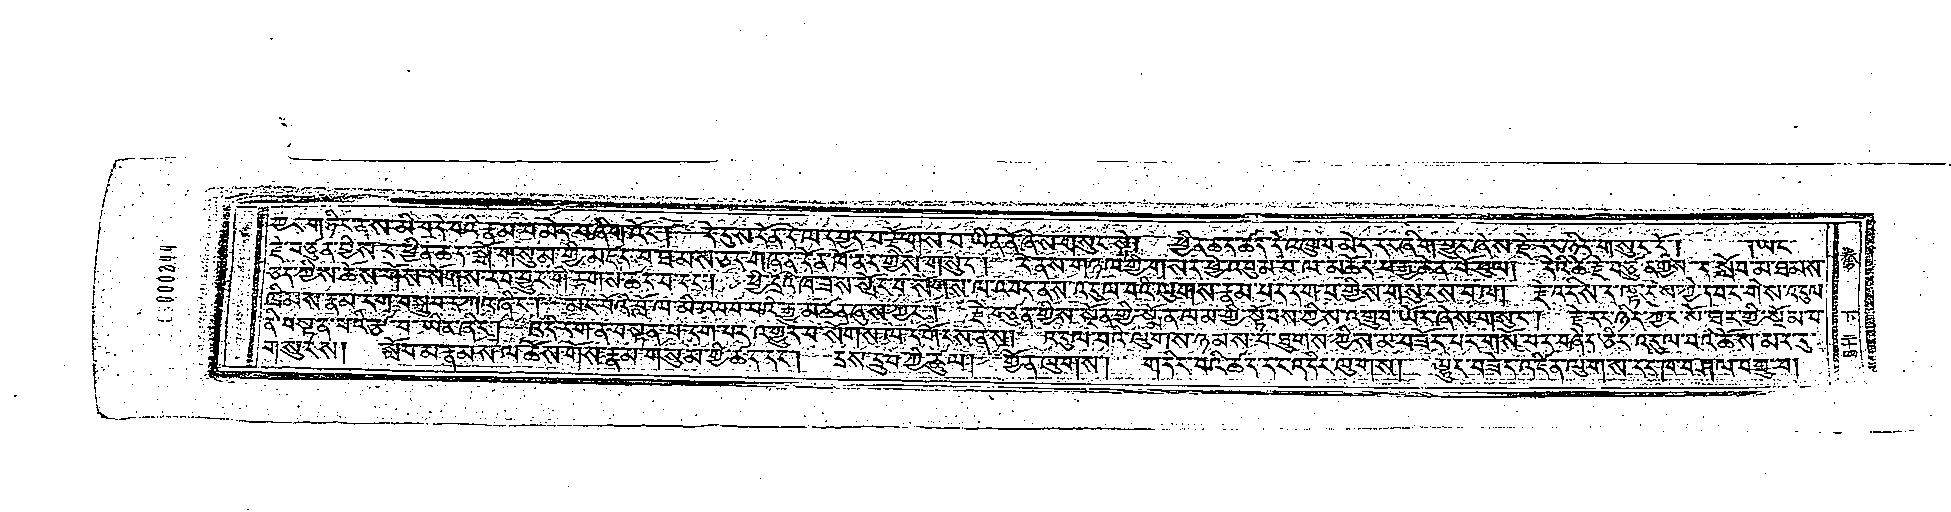ཀྱང་གཏིང་ནས་མི་བདེ་བའི་རྣམ་པ་མེད་པ་ཞིག་འོང་། དེ་དུས་དོན་དེ་ལ་དཔྱད་པ་རྫོགས་པ་ཡིན་ནོ་ཞེས་གསུང་སྟེ། ཕྱིན་ཆད་ཚད་དེ་འཁྲུལ་མེད་རང་ཞིག་བྱུང་ཞེས་རྗེ་རང་ཉིད་གསུང་ངོ། །ཡང་
རྗེ་བཙུན་ཕྱིས་ང་ཕྱིན་ཆད་སྒོ་གསུམ་གྱི་མཛད་པ་ཐམས་ཅད་གཞན་དོན་ཁོ་ནར་གྱིས་གསུང་། དེ་ནས་གཉལ་གྱི་གསར་ཕྱེ་འབུམ་པ་ལ་མཆོད་པ་རྒྱ་ཆེན་པོ་ཕུལ། དེའི་ཚེ་རྗེ་བཙུན་གྱིས་ད་སློབ་མ་ཐམས་
ཅད་ཀྱིས་ཆོས་གོས་སོགས་རབ་བྱུང་གི་རྟགས་ཚང་བ་དང་། ཕྱི་དྲོའི་ཁ་ཟས་སྤོང་བ་སོགས་ལ་འབད་ནས་འདུལ་བའི་ལུགས་རྣམ་པར་དག་པ་གྱིས་གསུངས་བ་ལ། རྗེ་འདིས་ད་ལྟ་དུས་ཀྱི་དབང་གིས་འདུལ་
ཁྲིམས་རྣམ་དག་བསྒྲུབ་དཀའ་ཞིང་། མང་པོའི་བློ་ལ་མི་འབབ་པའི་རྒྱུ་མཚན་ཞུས་ཀྱང་། རྗེ་བཙུན་གྱིས་སྔོན་གྱི་སྨོན་ལམ་གྱི་སྟོབས་ཀྱིས་འགྲུབ་ཡོང་ཞེས་གསུང་། རྗེ་རང་ཉིད་ཀྱང་སོ་ཐར་གྱི་སྡོམ་པ་
ནི་བསྟན་པའི་རྩ་བ་ཡིན་ཞིང་། འདི་དག་ན་བསྟན་པ་དག་པར་འགྱུར་བ་སོགས་ལ་དགོངས་ནས། འདུལ་བའི་ལུགས་ཉམས་པ་ཐུགས་ཀྱིས་མ་བཟོད་པར་གསོ་བར་བཞེད་ཅིང་འདུལ་བའི་ཆོས་མང་དུ་
གསུངས། སློབ་མ་རྣམས་ལ་ཆོས་གོས་རྣམ་གསུམ་གྱི་ཚད་དང་། དྲས་དྲུབ་ཀྱི་ཚུལ། གྱོན་ལུགས། གདིང་བའི་ཚད་དང་འདིང་ལུགས། ལྷུང་བཟེད་འཛིན་ལུགས་དང་ཁ་བཤལ་བགྲུ་བ།